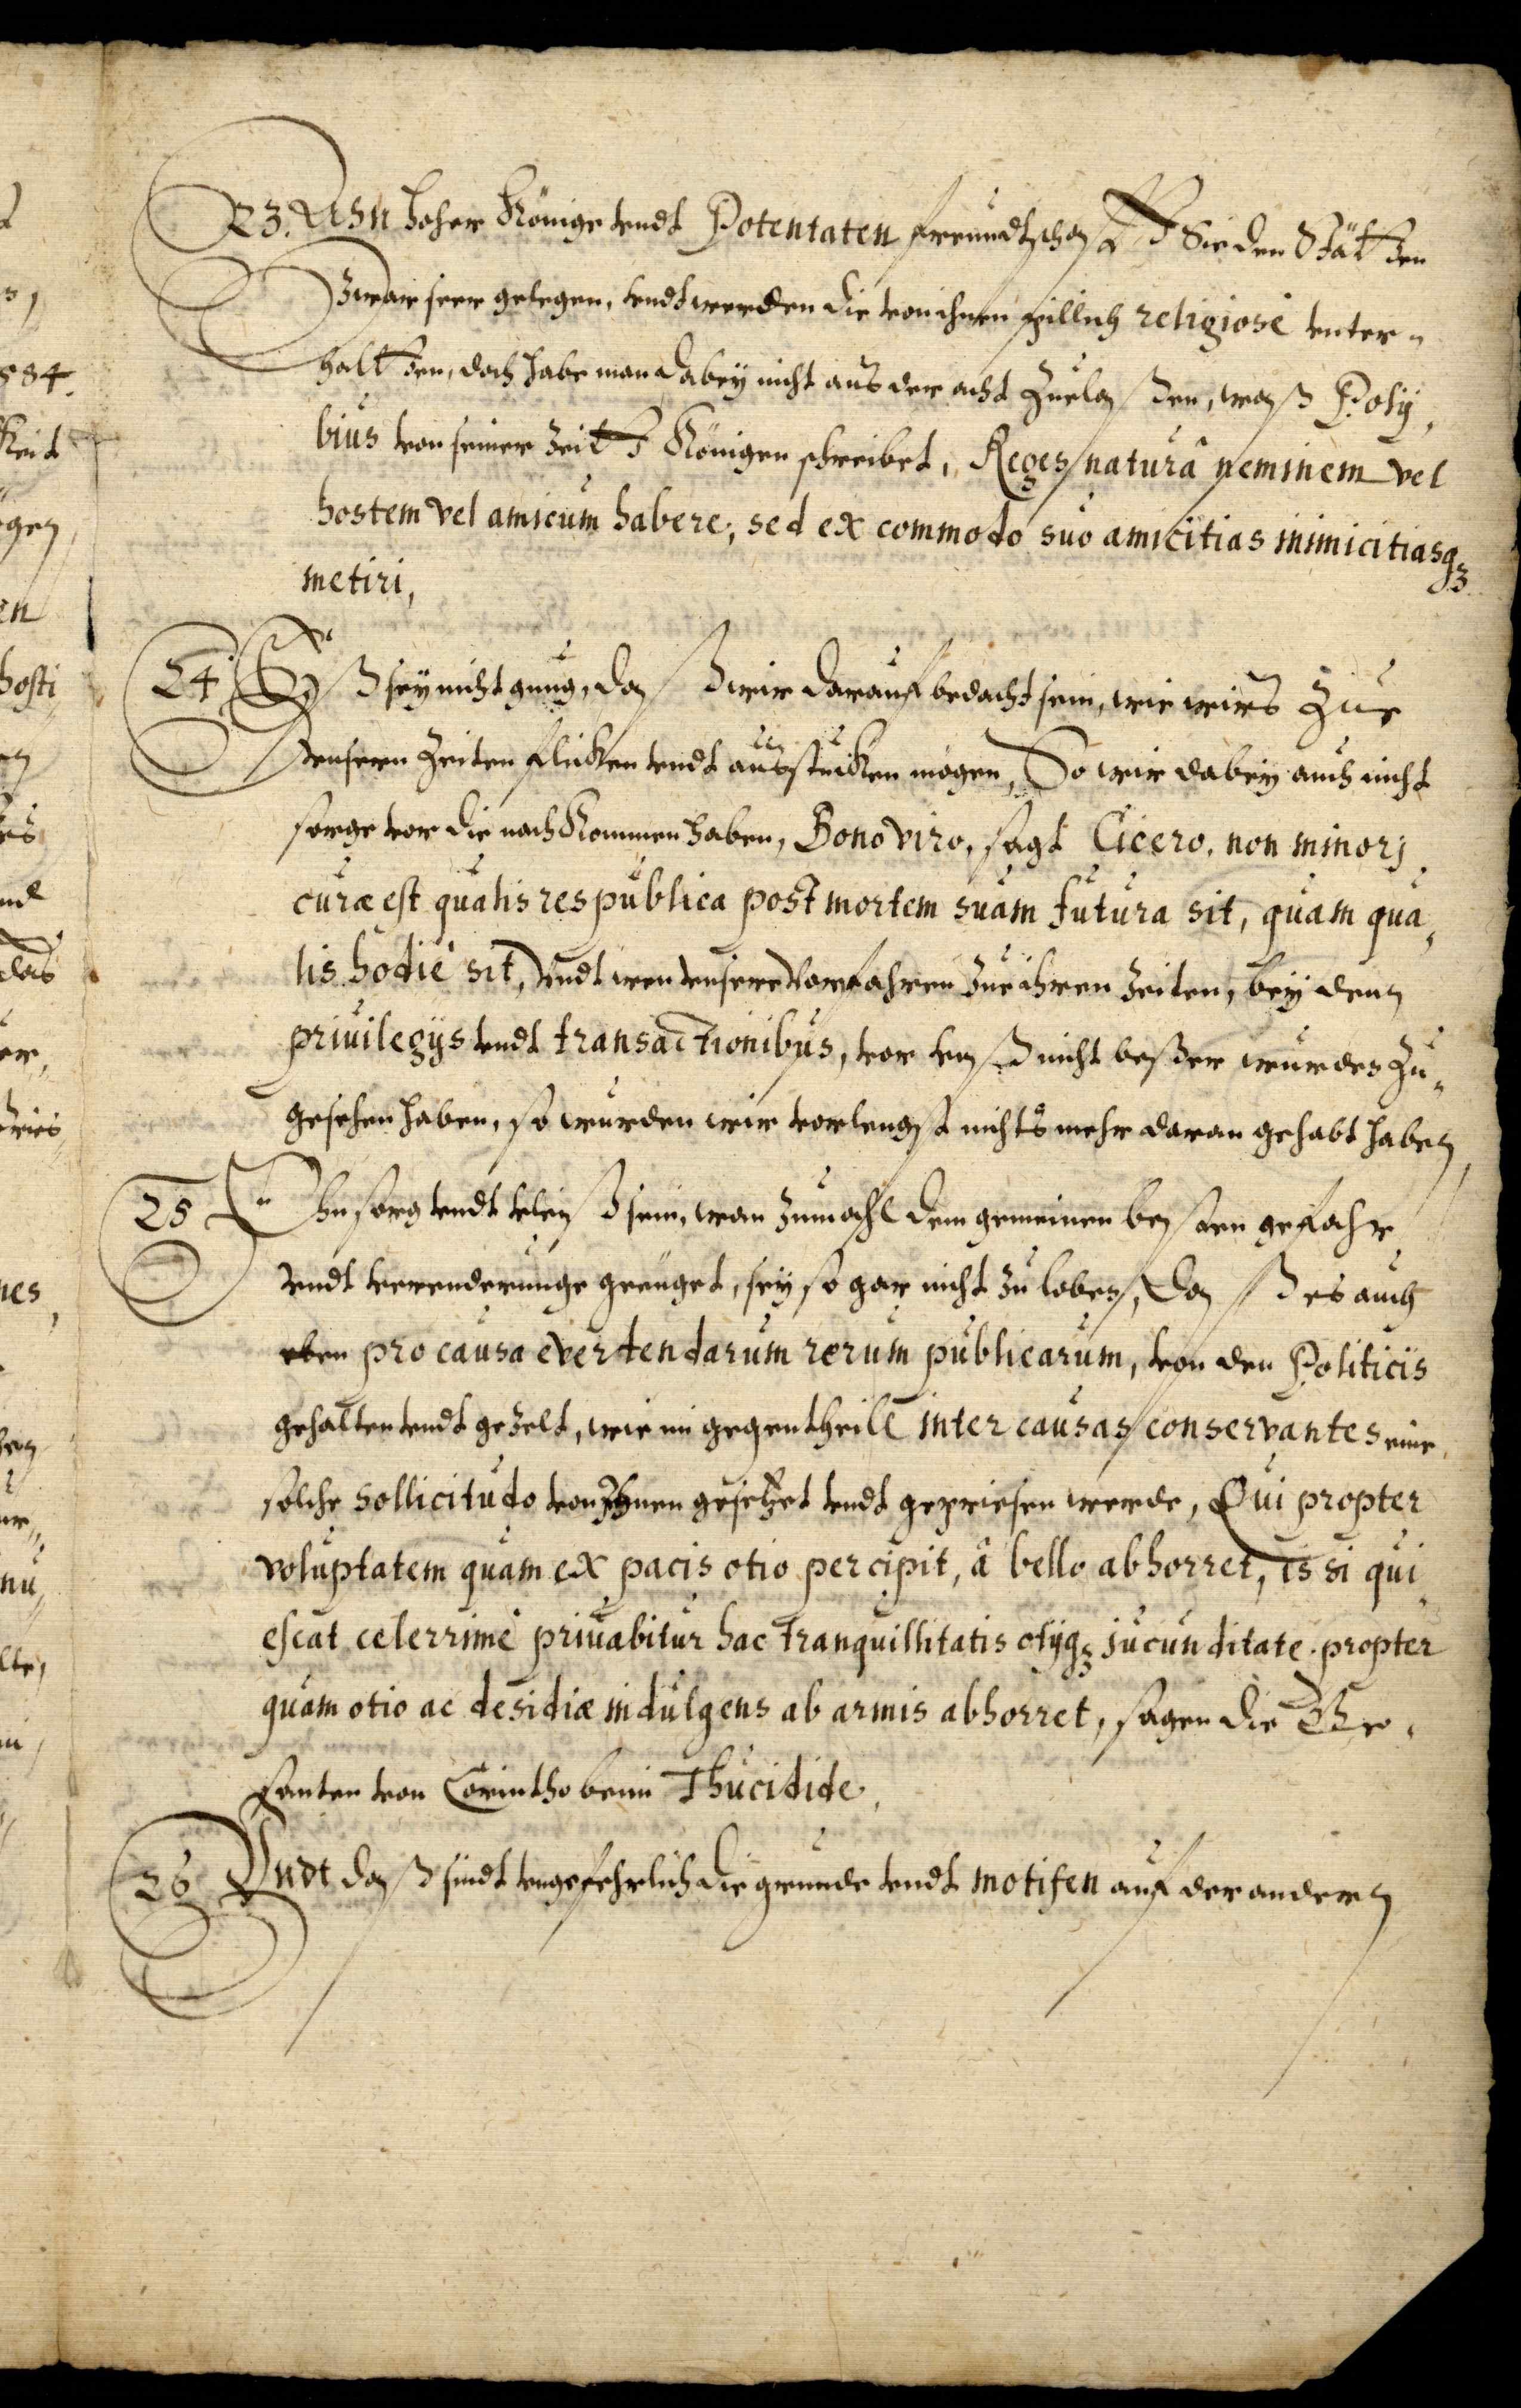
Ahn hoher Könige vndt Potentaten freundtschaftt Sie den Stätten
zwar seer gelegen, vndt werden die von ihnen pillich religiose vnter¬
haltten, doch habe man dabeij nicht aus der acht Zuelaßen, waß Polij¬
bius von seiner Zeitt Königen schreibet, Reges natura neminem vel
hostem vel amicum habere, sed ex commodo suo amicitias in imicitiasque,
metiri,
Eß seij nicht gnug, daß wir darauf bedacht sein, wie wirs Zue
unsern Zeiten flicken vndt anzustucken mögen, So wir dabeij auch nicht
sorge vor die nachkommen haben, Bono viro, sagt Cicero, non minorj
curae est qualis res publica post mortem suam futura sit, quam qua¬
lis hodie sit, Vndt wen vnsere Vorfahren zue ihren zeiten, beij denn
priuilegijs vndt transactionibus, vor vnß nicht beßer wurden Zu¬
gesehen haben, so wurden wir vorlengst nichts mehr daran gehabt haben,
Ohn sorg vndt vleiß sein, wan zumahl dem gemeinen besten gefahr
vndt verenderunge genüget, seij so gar nicht zu loben, daß es auch
eben pro causa evertendarum rerum publicarum, von den Politicis
gehalten vndt gezelt, wie im gegentheill inter causas conservantes eine
solche sollicitudo von Ihnen gesetzet vndt gepriesen werde, Qui propter
voluptatem quam ex pacis otio percipit, a bello abhorret, es si qui¬
escat celerrime priuabitur hac tranquillitatis otijque jucunditate, propter
quam otio ac desidiae indulgens ab armis abhorret, sagen die Ge¬
santen von Corintho beim Thucidide,
Vndt daß sindt vngefehrlich die grunde vndt motifen auf der andern
23.
24
25
26
